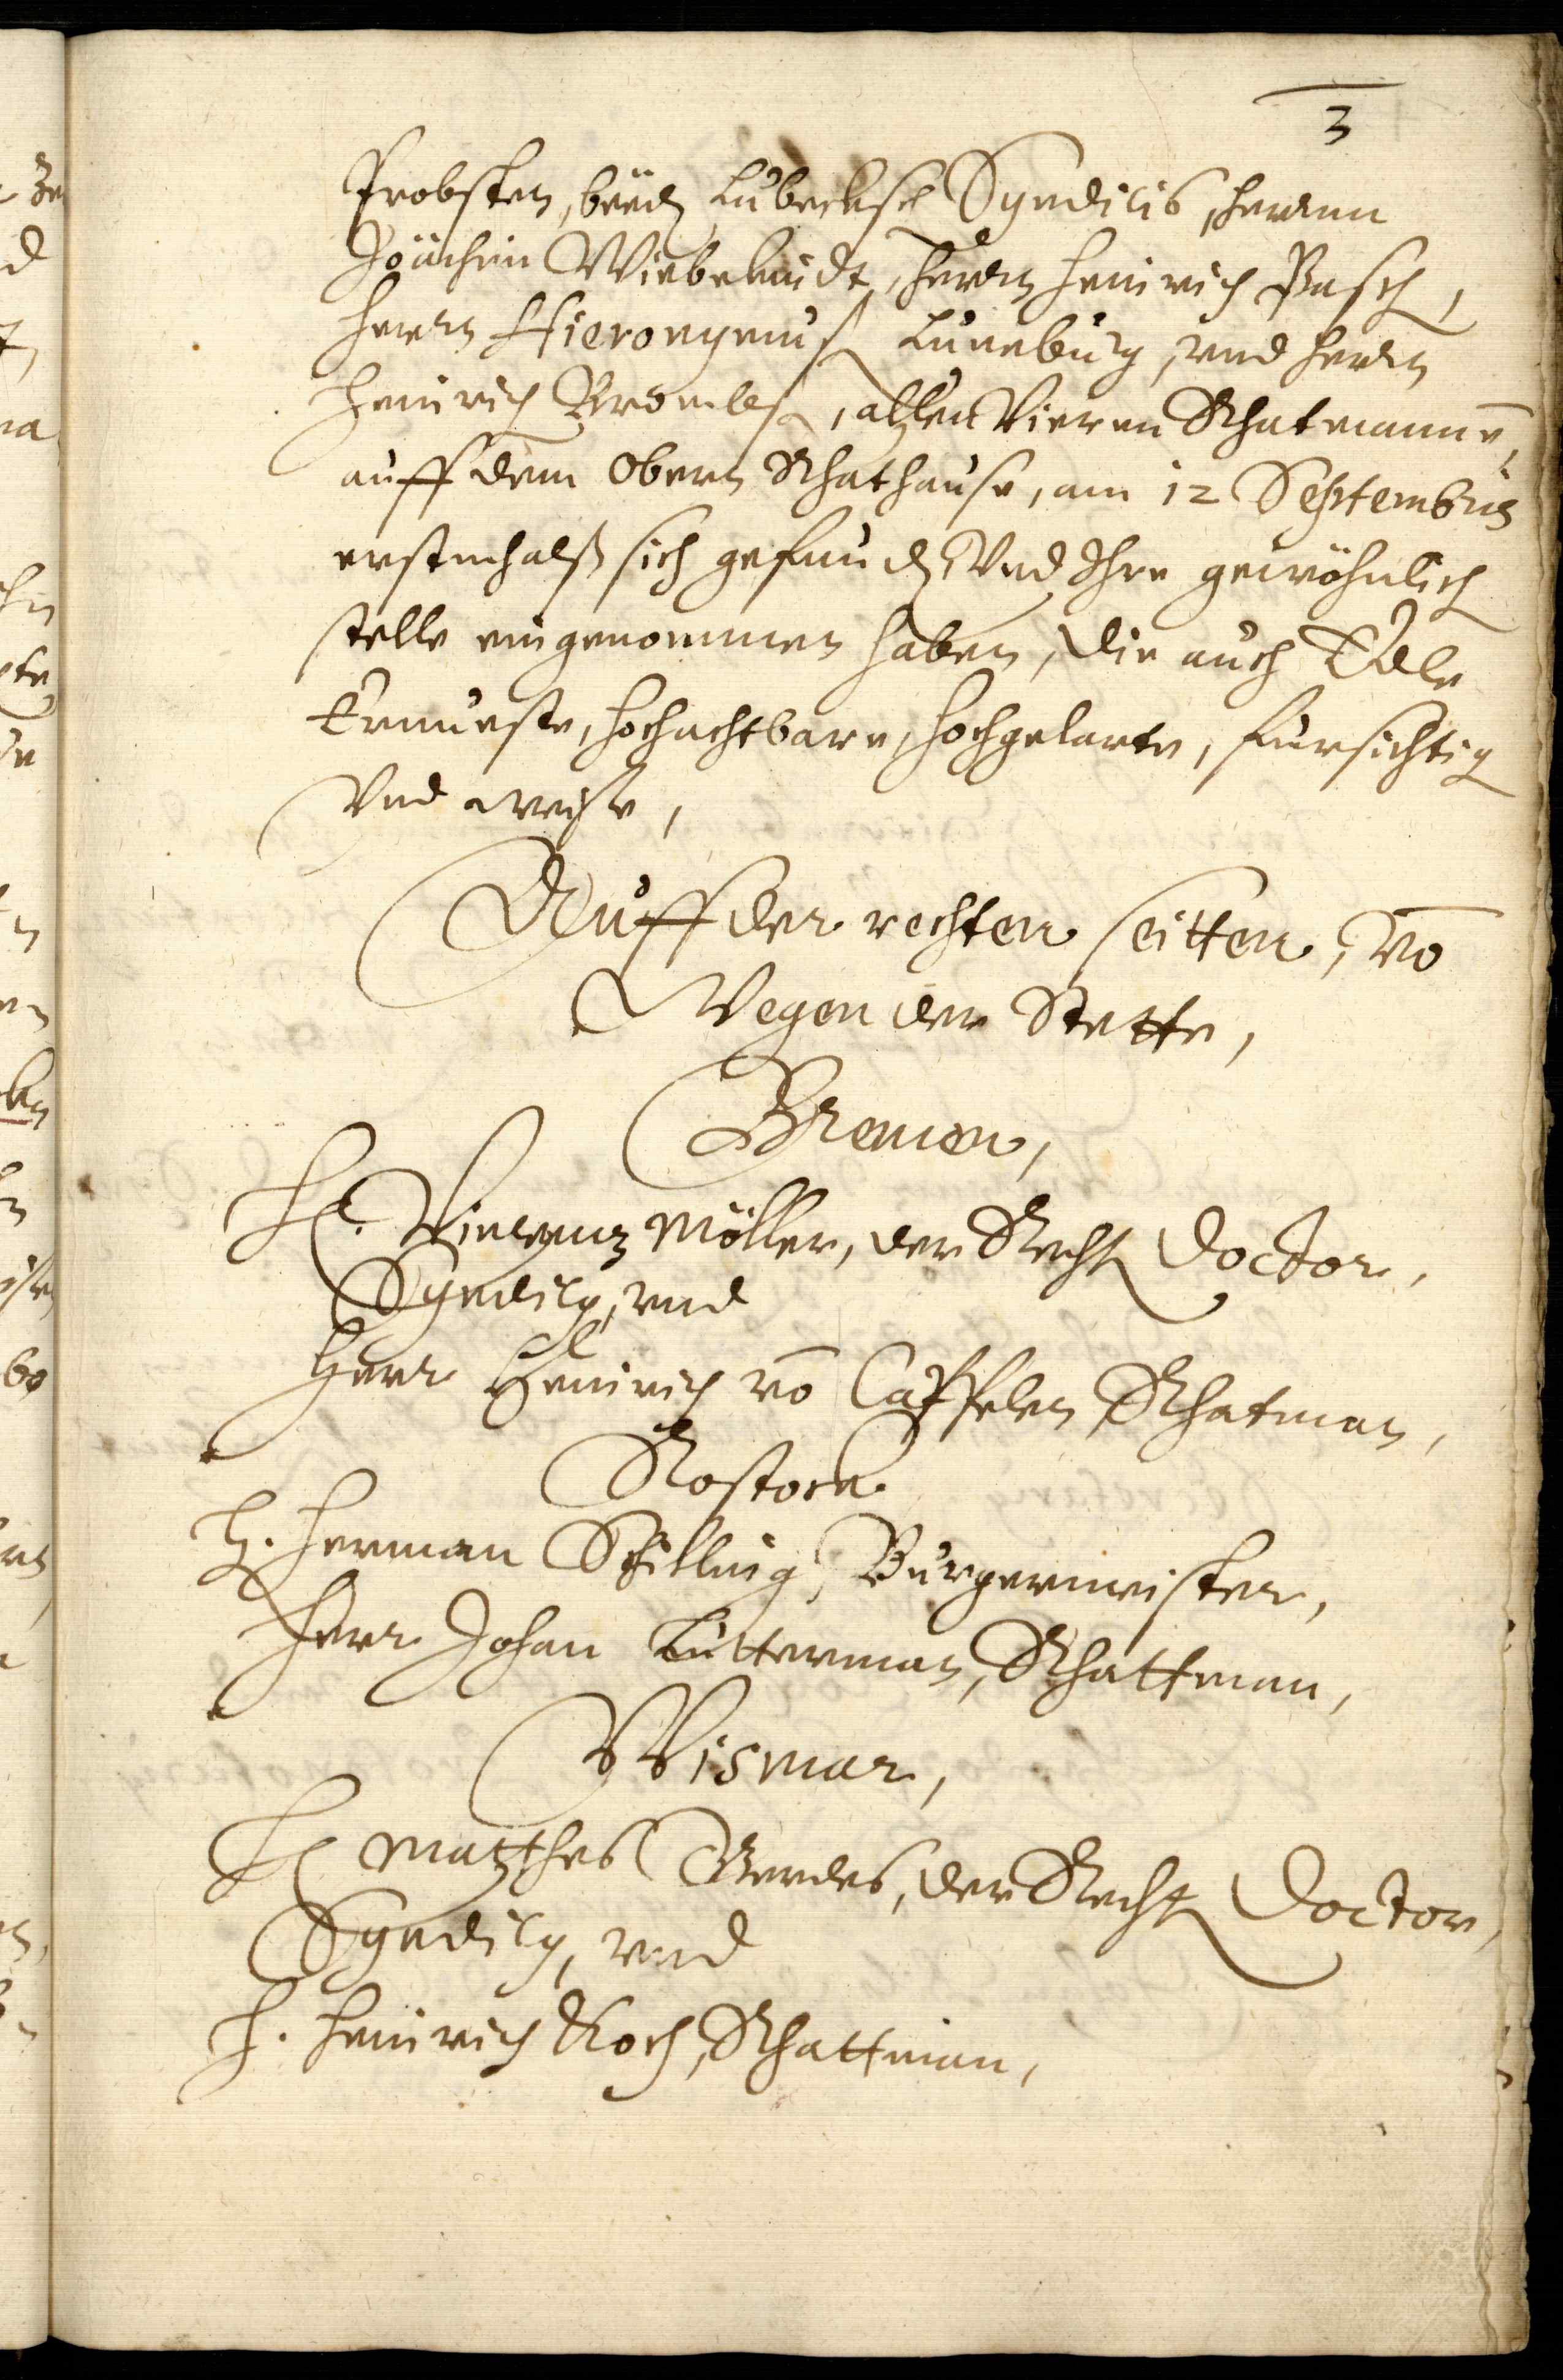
3
Probsten, beiden Lubeckschen Syndicis, herrnn
Joachim Wiebekindt, herrnn Heinrich Paschen,
herrn Hieronymusen Luneburg, vnd herrn
Heinrich Brömbsen, allen vieren Rhatmannen,
auff dem Obern Rhathause, am 12 Septembris
erstmhalß sich gefunden, vnd Ihre gewöhnlichen
stelle eingenommen haben, die auch Edle
Ernueste, hochachtbare, hochgelarte, fursichtig
vnd weise,
Auff der rechten seitten, von
Wegen der Stette,
Bremen,
H. Vincentz Möller, der Rechten Doctor,
Sijndicus, vnd
herr Heinrich von Cappelen, Rhatman,
Rostock
H. Herman Schilling, Burgermeister,
herr Johan Lutterman, Rhattman,
Wismar,
H. Matthes Gerdes, der Rechten Doctor,
Syndicus, vnd
H. Heinrich Koch, Rhattman,
